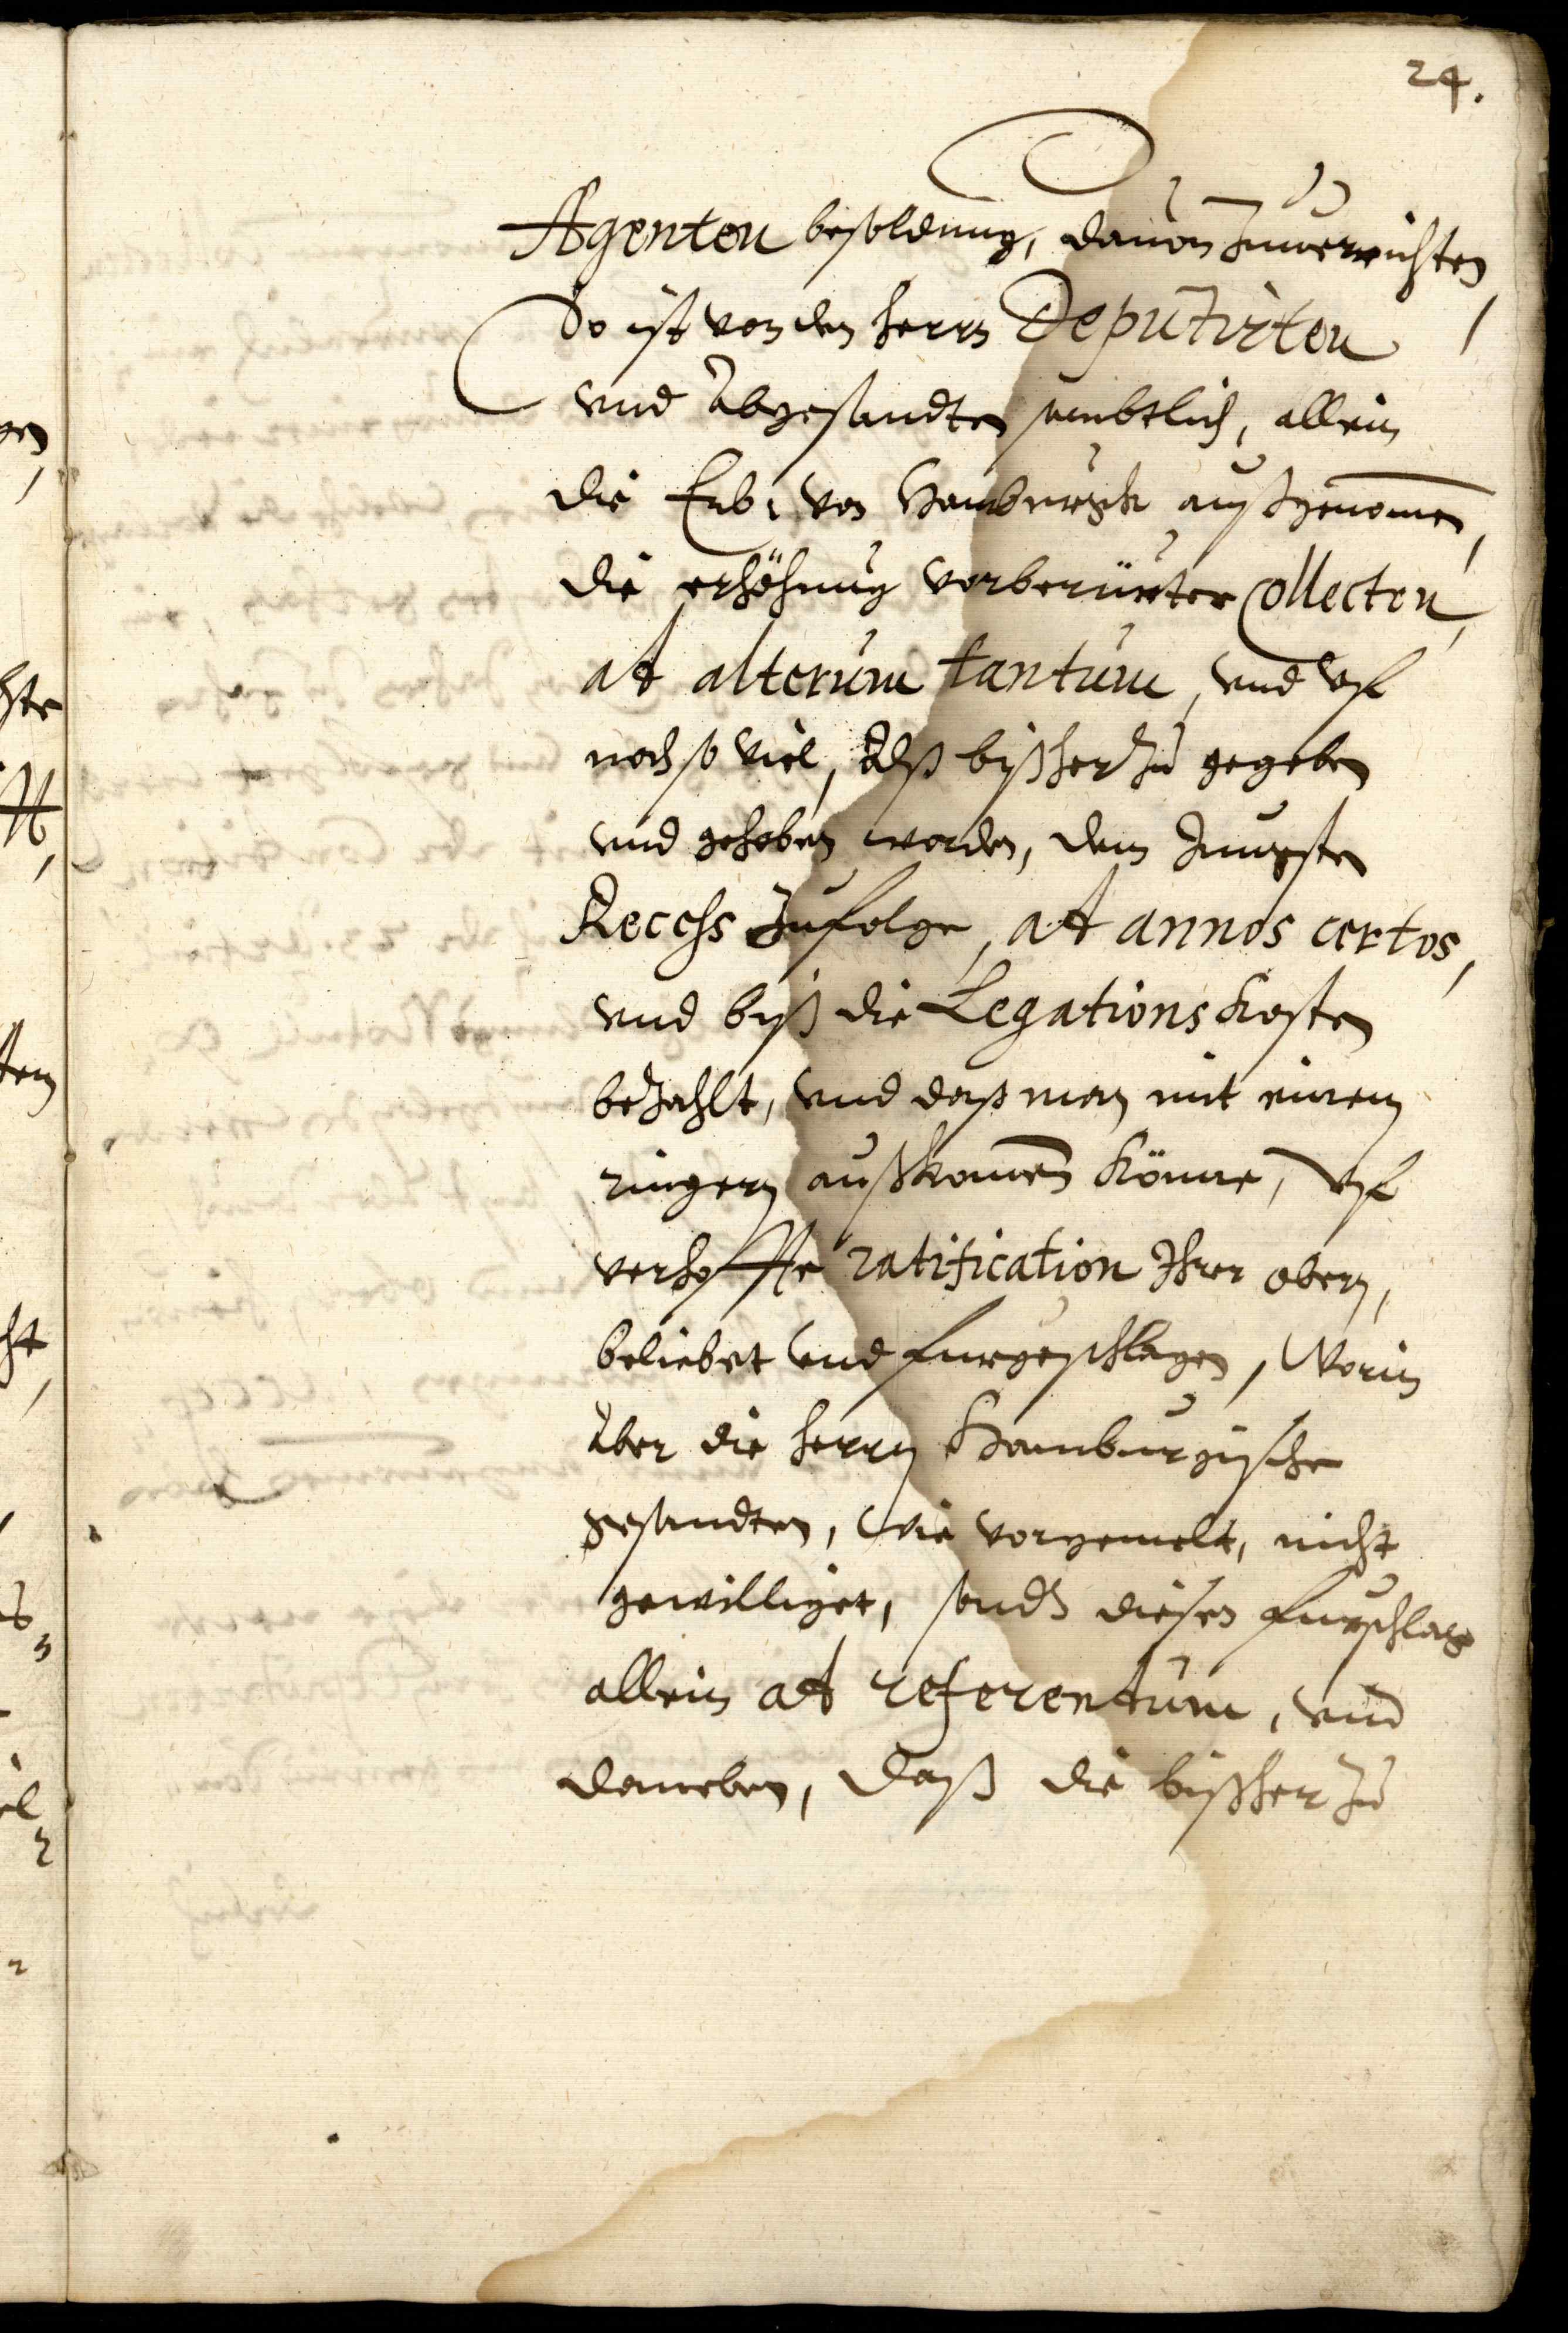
24.
Agenten besoldung, dauon zuuerrichten,
So ist von den herrn Deputirten
vnd Abgesandten nembtlich, allein
die Erb: von Hamburgk ausgenommen,
die erhöhung vorberürter collecten,
ad alterum tantum, vnd vf
noch so viel, Alß bißherzu gegeben
vnd gehoben worden, den jungsten
Recess zufolge, ad annos certos,
vnd biß die Legationskosten
bezhalt, vnd das man mit einem
ringeren außkommen könne, vf
verhoffte ratification Ihre obern,
beliebet, wie furgeschlagen, worin
Aber die herrn Hamburgischen
gesandten, wie vorgemelt, nicht
gewilliget, sondern diesen furschlag
allein ad referendum, vnd
daneben, daß die bißher zu
